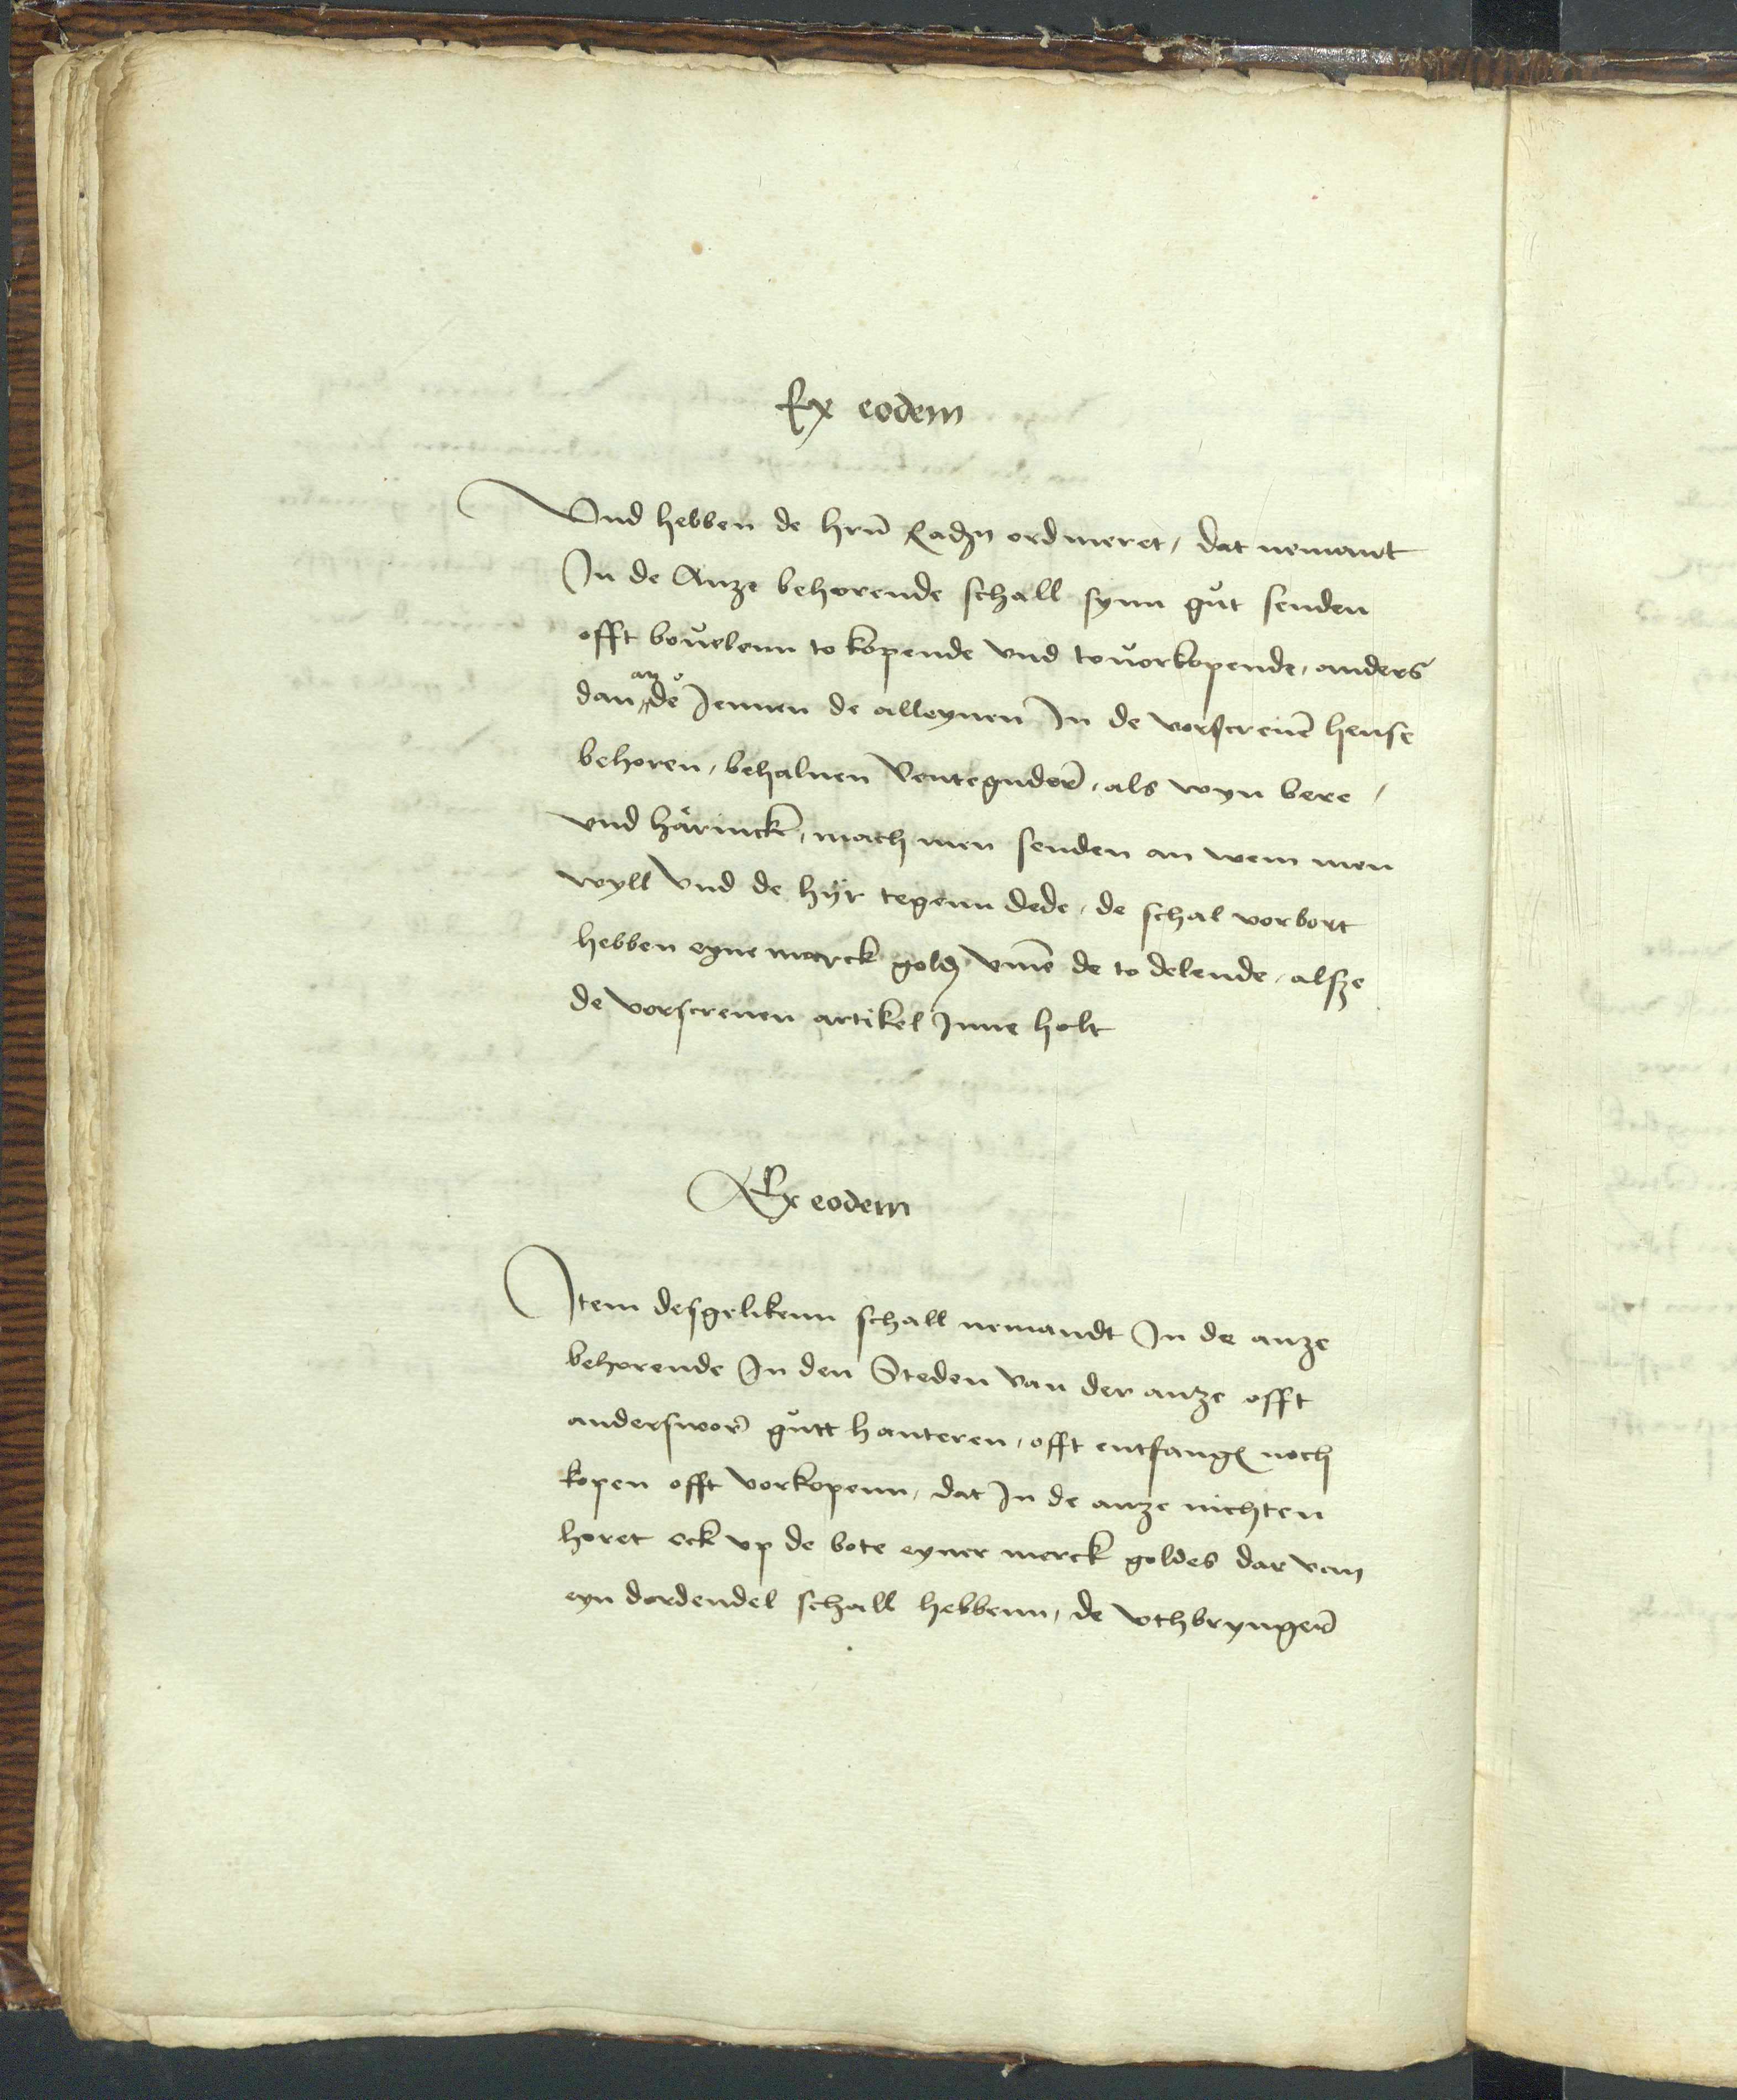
Ex eodem
Vnd hebben de hern Radessendebaden ordineret, dat nemant
Jn de Anze behorende schall synn gut senden
offt bouelenn to kopende vnd touorkopende, anders
dan an de Jennen de alleynenn Jn de vorscreuen hense
behoren, behaluen venteguder, als wyn bere,
vnd harinck, mach men senden an wem men
wyll vnd de hijr tegen dede, de schal vorbort
hebben eyne marck goldes vmme de to delende, alsze
de vorscreuen artikel Jnne holt
Ex eodem
Jtem desgelikenn schall nemandt Jn de anze
behorende Jn den Steden van der anze offt
anderswor gutt hanteren, offt entfangen noch
kopen offt vorkopenn, dat Jn de anze nichten
horet ock vp de bote eyner marck goldes dar van
eyn dordendel schall hebben, de vthbrynger
